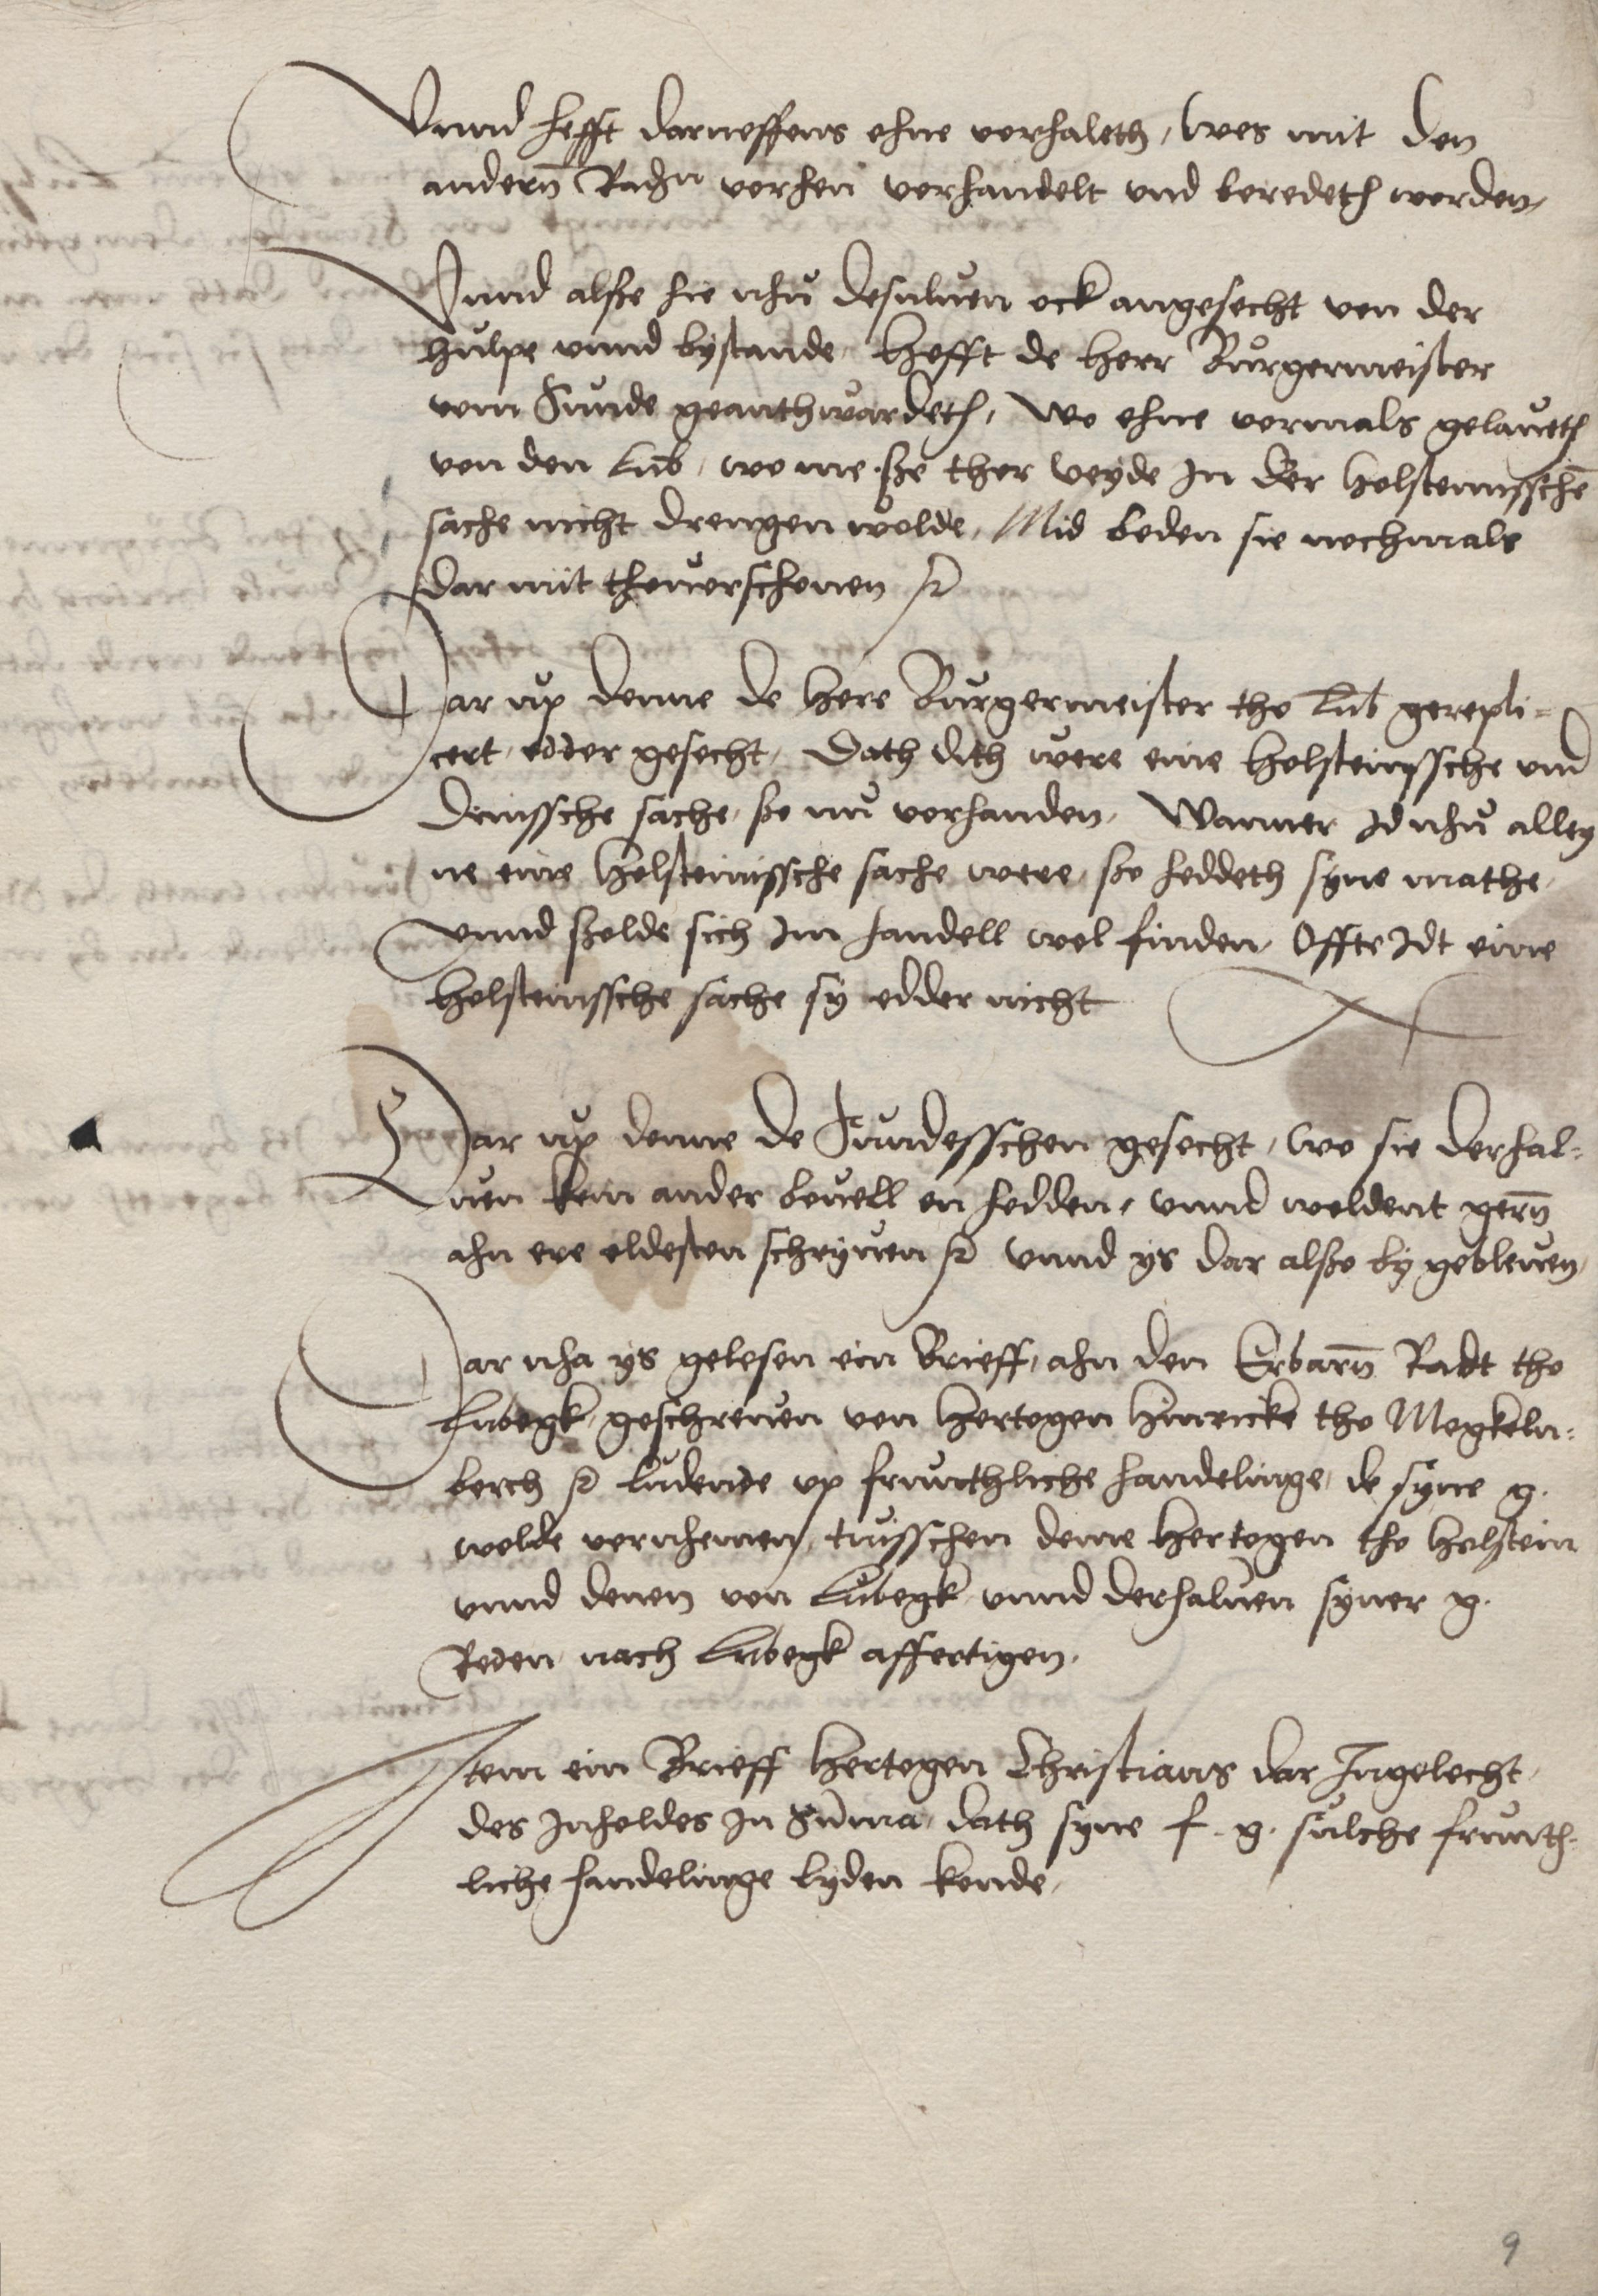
Vnnd hefft darneffens ohne vorhalet, wes mit den
andernn Radessendeboden vorhen vorhandelt vnd beredeth worden,
Vnnd alße sie nhu desuluen ock angesecht von der
hulpe vnnd bystande, Hefft de Herr Burgermeister
vom Sunde geanthwardeth, wo ehne vormals gelaueth
von den Lubegk, wo me ße thor veijde In der Holsteinisschen
sache nicht drengen wolde, Mid beden sie nochmals
dar mit thouorschonen etc
Dar up denne de Here Burgermeister tho Lubegk gerepli¬
cert, edder gesecht, dath dith were eine Holsteinissche vnd
Denissche sache, ßo nu vorhanden, Wanner Id nhu alley
ne eine Holsteinissche sache were, ßo heddeth sijne mathe
vnnd ßolde sich Im handell wol finden, Offte Idt eine
Holsteinissche sache sij edder nicht
Dar up denne de Sundesschen gesecht, wo sie derhal¬
uen kein ander beuell en hedden, vnnd woldent gernn
ahn ore oldesten schrijuen etc vnnd ys dar alßo bij gebleuen,
Dar nha ys gelesen ein Brieff, ahn den Erbarnn Radt tho
Lubegk, geschreuen von Hertogen Hinricke tho Megkeln¬
borch etc ludende vp frunthliche handelinge, de syne g.
wolde vornhemen tuisschen deme Hertogen tho Holstein
vnnd denen von Lubegk, vnnd derhaluen sijner g.
Reden nach Lubegk affertigen,
Item ein Brieff Hertogen Christians dar Ingelecht,
des Inholdes In summa, dath syne f.g. sulche frunth¬
liche handelinge lyden konde,
